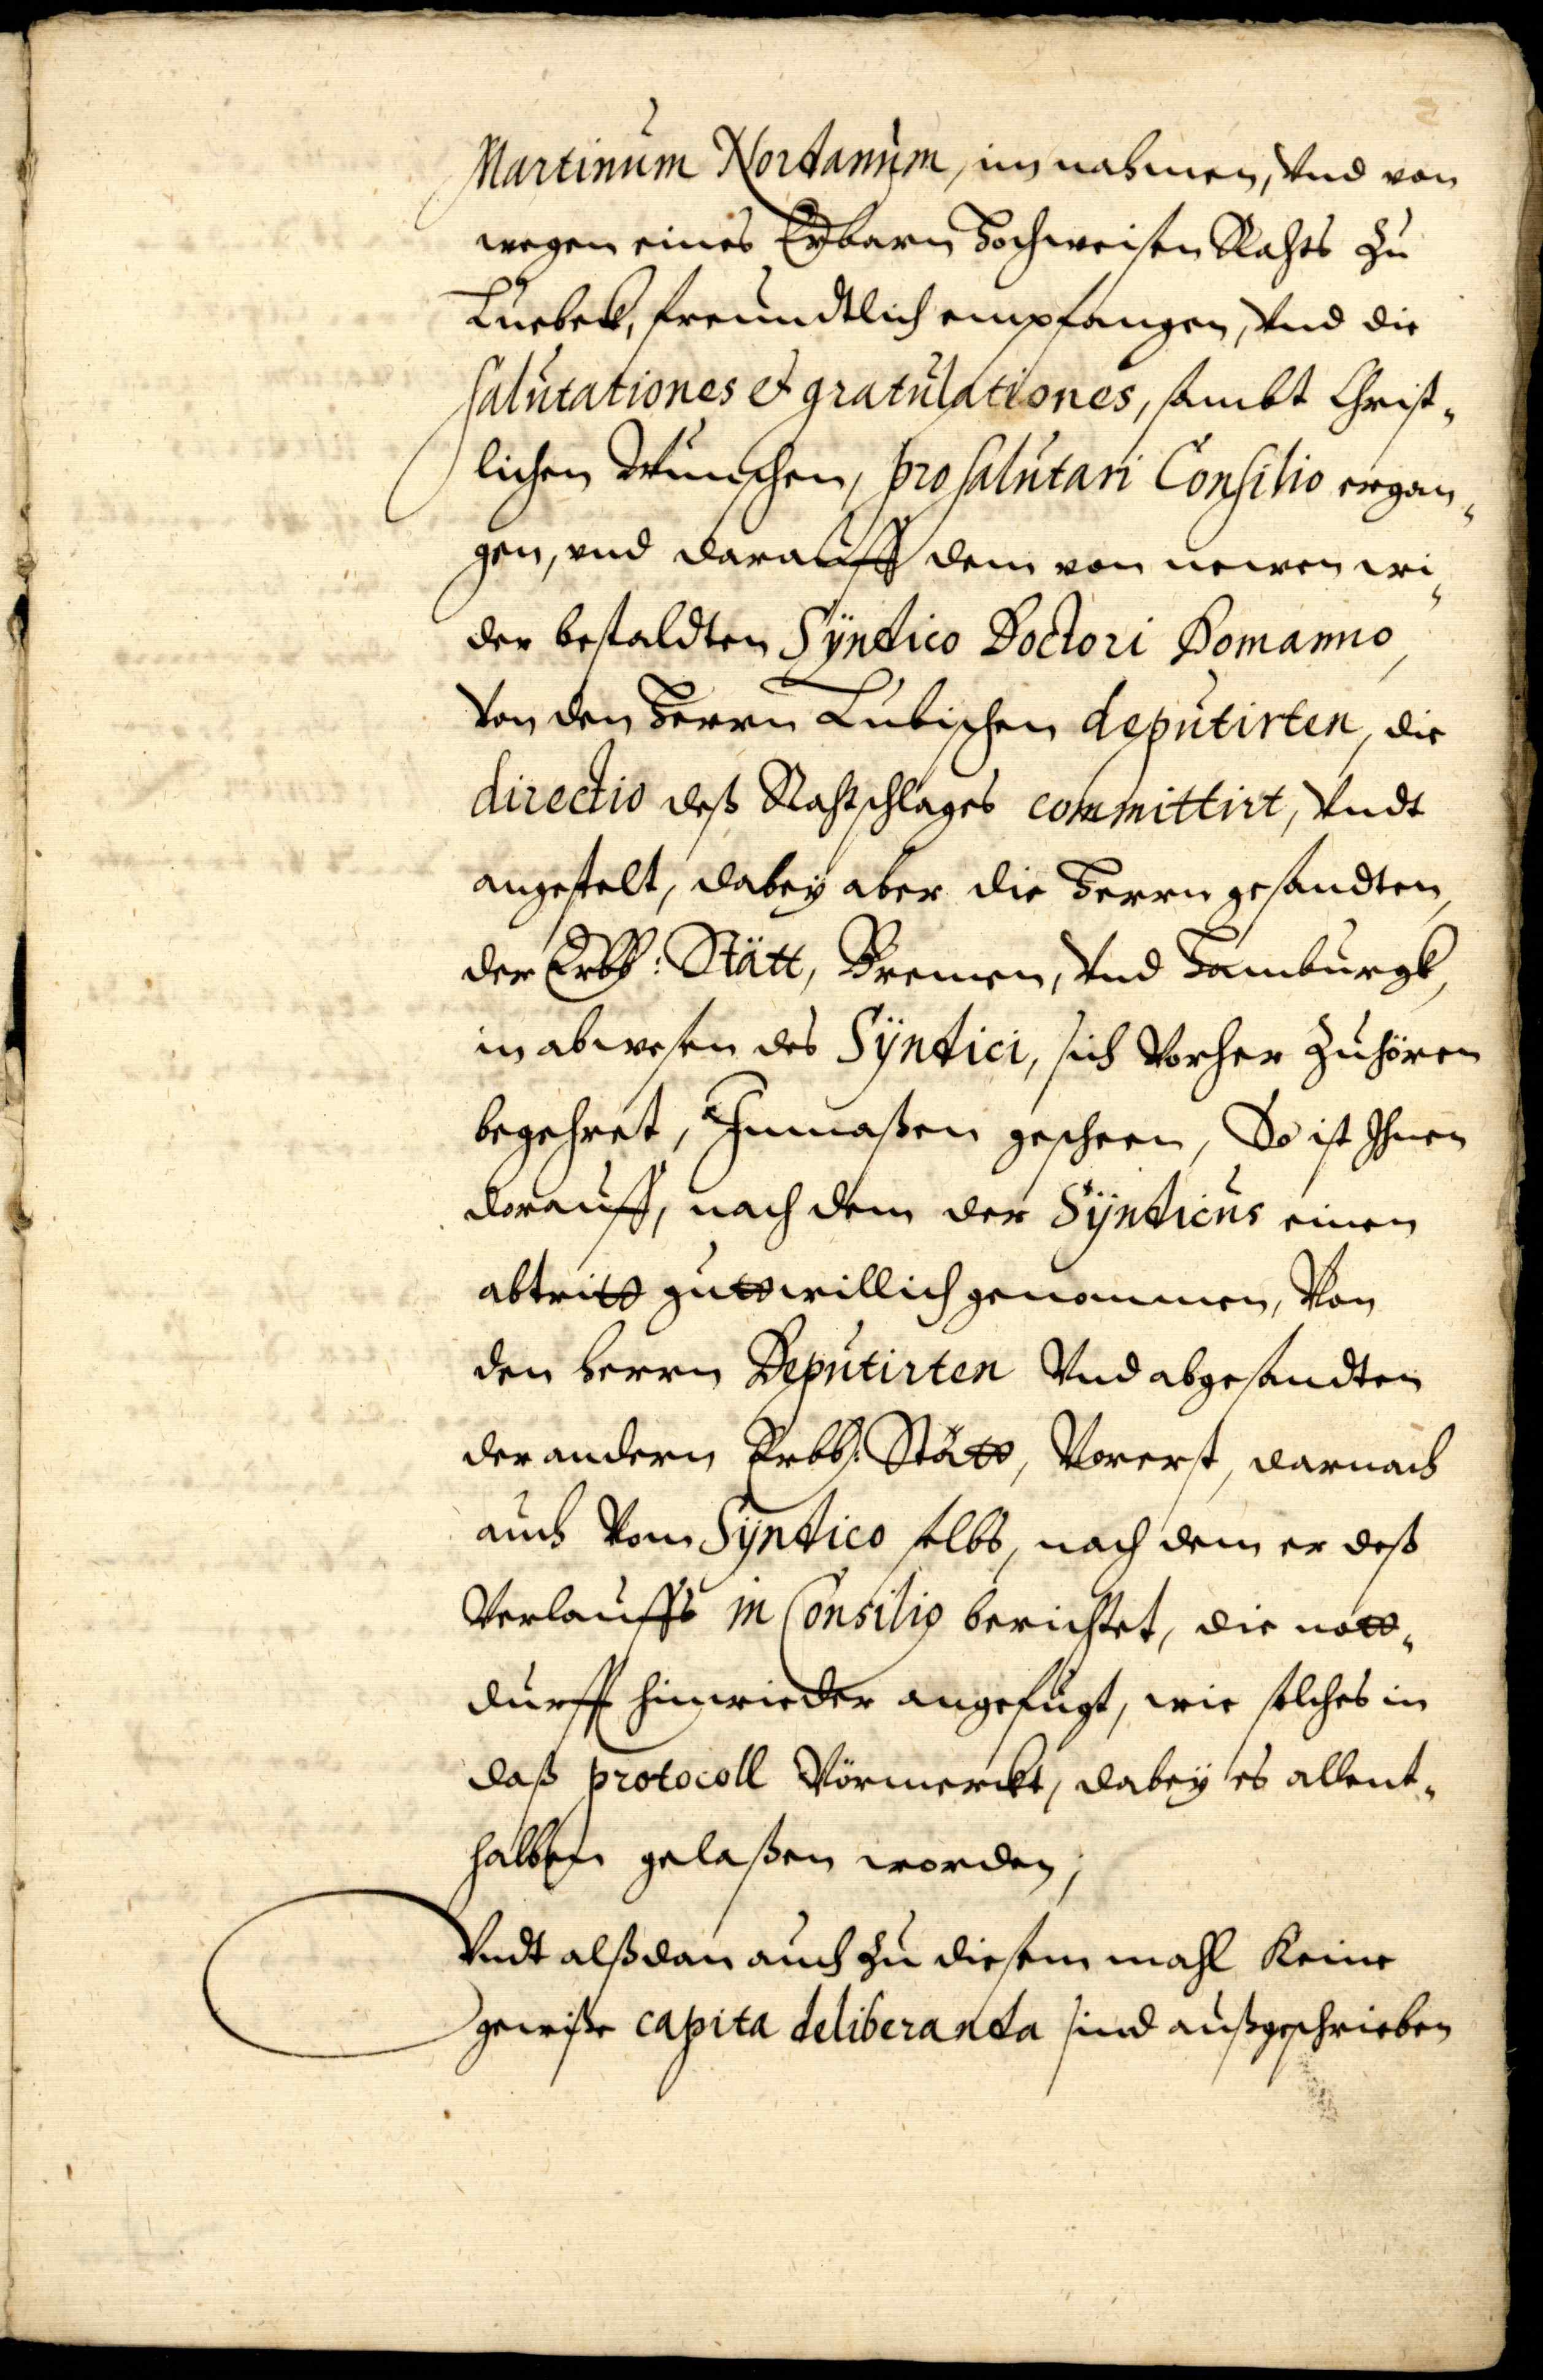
Martinum Nordanum, im nahmen, Vnd von
wegen eines Erbarn hochweisen Rahts Zu
Luebek, freundtlich empfangen, Vnd die
salutationes et gratulationes, sambt Christ¬
lichen Wunschen, pro salutari Consilio ergan¬
gen, vnd darauff dem von newen wi¬
der bestaldten Sijndico Doctori Domanno
Von den herrn Lubischen deputirten, die
directio deß Rahtschlages committirt, Vndt
angestelt, dabeij aber die herrn gesandten
der Erbb: Stätt, Bremen, Vnd Hamburgk
in abwesen des Sijndici, sich Vorher Zuhören
begehret, Inmaßen gescheen, So ist Ihnen
darauf, nach dem der Sijndicus einen
abtritt guttwillich genommen, von
den herrn Deputirten Vnd abgesandten
der andern Erbb: Stätt, Vorerst darnach
auch Vom Sijndico selbs, nach dem er deß
Verlauffs in Consilio berichtet, die nott¬
durff hinwieder angefugt, wie solches in
daß protocoll Vormerckt, dabeij es allent¬
halben gelaßen worden,
Vndt alßdan auch zu diesem mahl keine
gewiße capita deliberanda sind außgeschrieben,
